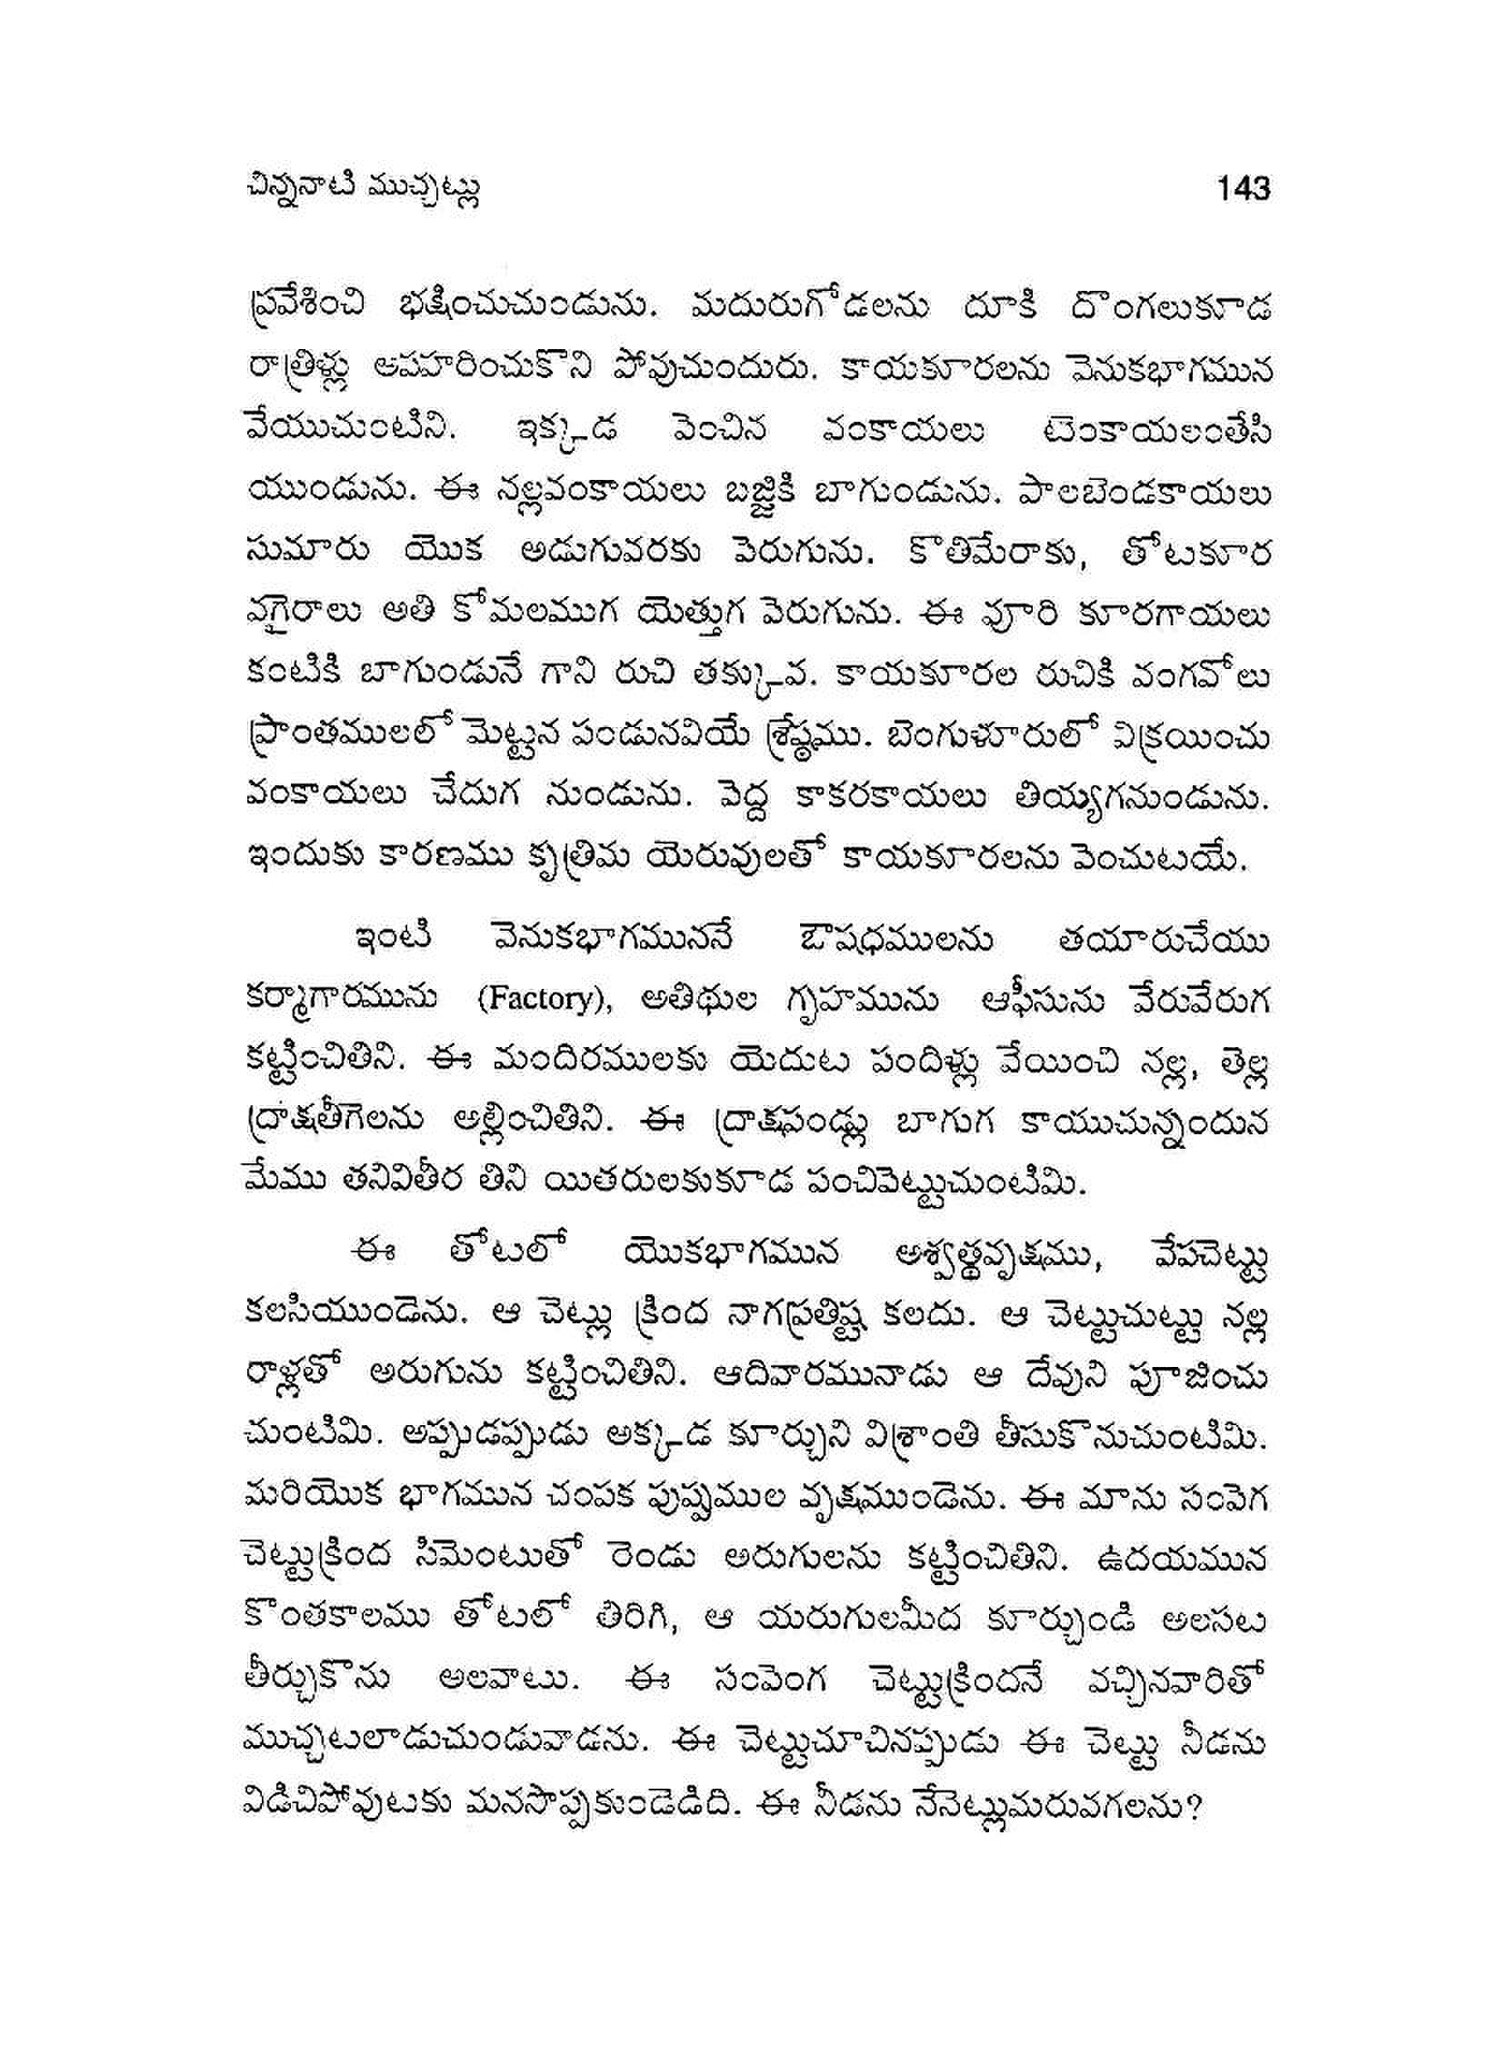ప్రవేశించి భక్షించుచుండును. మదురుగోడలను దూకి దొంగలుకూడ రాత్రిళ్ళు అపహరించుకొని పోవుచుందురు. కాయకూరలను వెనుకభాగమున వేయుచుంటిని. ఇక్కడ పెంచిన వంకాయలు టెంకాయలంతేసి యుండును. ఈ నల్లవంకాయలు బజ్జికి బాగుండును. పాలబెండకాయలు సుమారు యొక అడుగువరకు పెరుగును. కొతిమేరాకు, తోటకూర వగైరాలు అతి కోమలముగ యెత్తుగ పెరుగును. ఈ వూరి కూరగాయలు కంటికి బాగుండునే గాని రుచి తక్కువ. కాయకూరల రుచికి వంగవోలు ప్రాంతములలో మెట్టన పండునవియే శ్రేష్ఠము. బెంగుళూరులో విక్రయించు వంకాయలు చేదుగ నుండును. పెద్ద కాకరకాయలు తియ్యగనుండును. ఇందుకు కారణము కృత్రిమ యెరువులతో కాయకూరలను పెంచుటయే.

ఇంటి వెనుకభాగముననే ఔషధములను తయారుచేయు కర్మాగారమును (Factory), అతిథుల గృహమును ఆఫీసును వేరువేరుగ కట్టించితిని. ఈ మందిరములకు యెదుట పందిళ్లు వేయించి నల్ల, తెల్ల ద్రాక్షతీగెలను అల్లించితిని. ఈ ద్రాక్షపండ్లు బాగుగ కాయుచున్నందున మేము తనివితీర తిని యితరులకుకూడ పంచిపెట్టుచుంటిమి.

ఈ తోటలో యొకభాగమున అశ్వత్థవృక్షము, వేపచెట్టు కలసియుండెను. ఆ చెట్లు క్రింద నాగప్రతిష్ట కలదు. ఆ చెట్లచుట్టు నల్ల రాళ్లతో అరుగును కట్టించితిని. ఆదివారమునాడు ఆ దేవుని పూజించు చుంటిమి. అప్పుడప్పుడు అక్కడ కూర్చుని విశ్రాంతి తీసుకొనుచుంటిమి. మరియొక భాగమున చంపక పుష్పముల వృక్షముండెను. ఈ మాను సంపెగ చెట్టు క్రింద సిమెంటుతో రెండు అరుగులను కట్టించితిని. ఉదయమున కొంతకాలము తోటలో తిరిగి, ఆ యరుగులమీద కూర్చుండి అలసట తీర్చుకొను అలవాటు. ఈ సంపెంగ చెట్టుక్రిందనే వచ్చినవారితో ముచ్చటలాడుచుండువాడను. ఈ చెట్టుచూచినప్పుడు ఈ చెట్టు నీడను విడిచిపోవుటకు మనసొప్పకుండెడిది. ఈ నీడను నేనెట్లుమరువగలను?